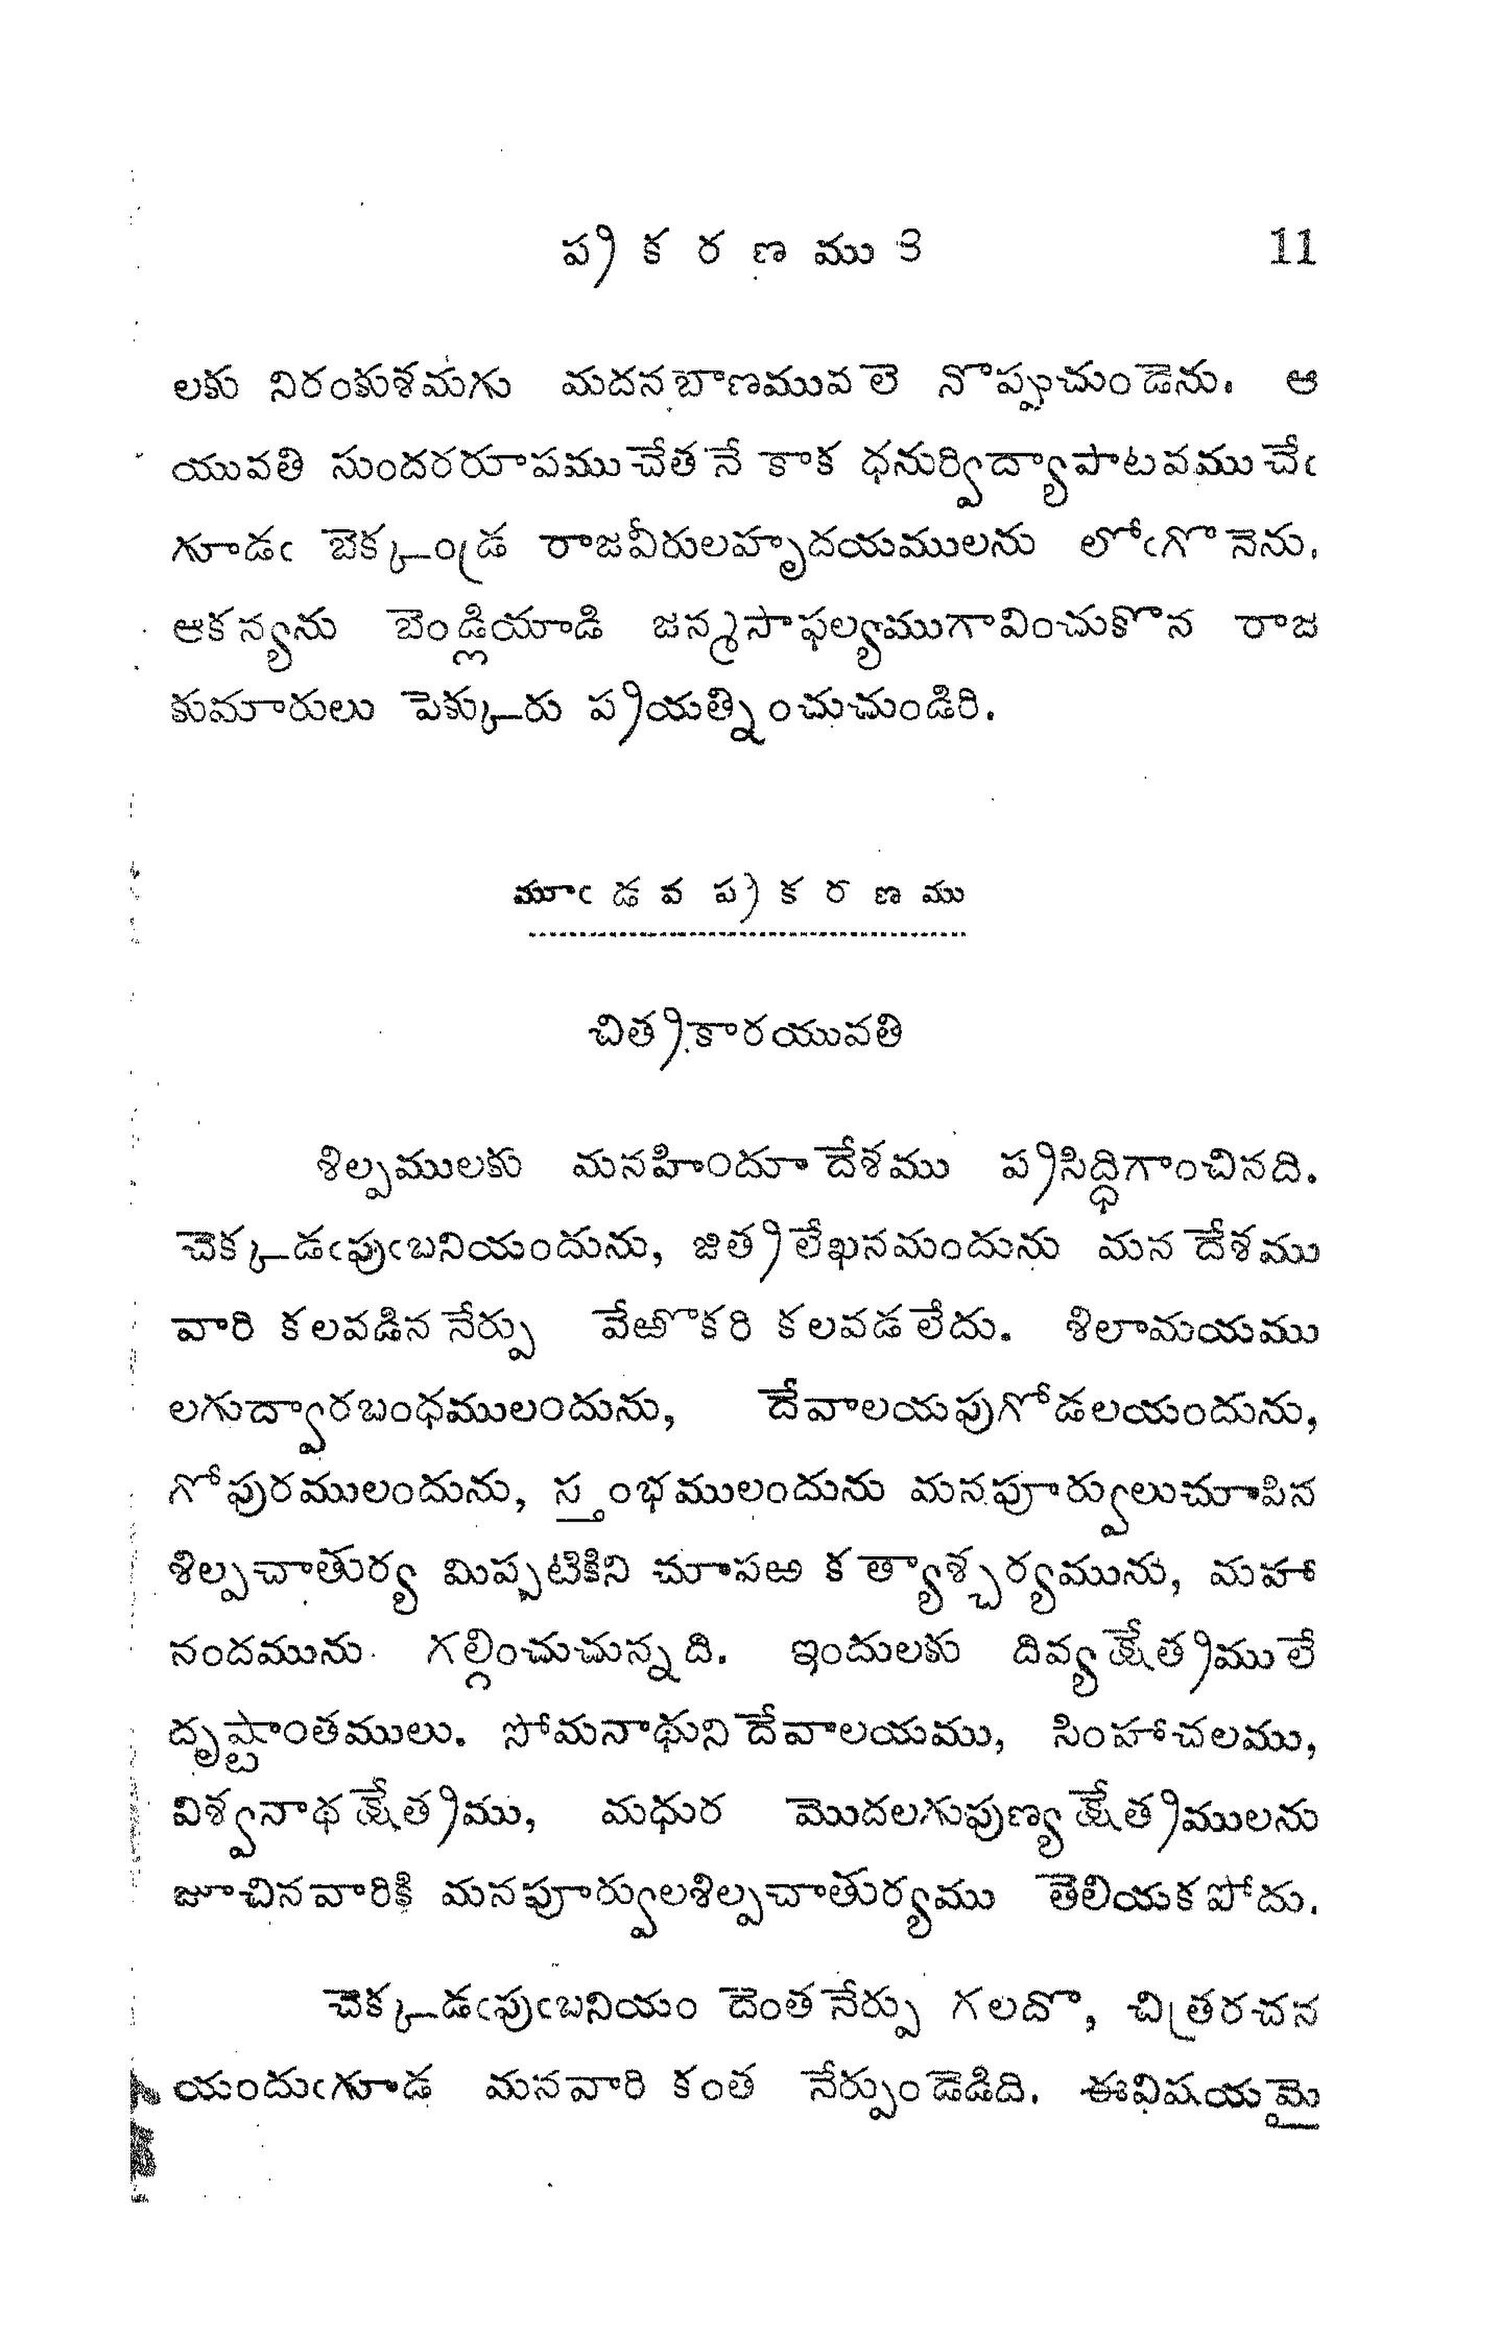లకు నిరంకుశమగు మదన బాణమువలె నొప్పుచుండెను. ఆ యువతి సుందర రూపము చేతనే కాక ధనుర్విద్యా పాటవము చే గూడఁ "బెక్కండ్ర రాజవీరుల హృదయములను లోఁగొనెను, ఆకన్యను బెండ్లియాడి జన్మసాఫల్యము గావించుకొన రాజ కుమారులు పెక్కురు ప్రయత్నించు చుండిరి.

మూఁ డ వ ప్ర క ర ణ ము

చిత్ర కారయువతి

శిల్పములకు మన హిందూ దేశము ప్రసిద్ధిగాంచినది. చెక్కడఁపుఁబనియందును, జిత్ర లేఖనమందును మన దేశము వారి కలవడిన నేర్పు వేఱొకరి కలవడ లేదు. శిలామయము లగు ద్వారబంధములందును, దేవాలయపు గోడలయందును, గోపురములందును, స్తంభములందును మన పూర్వులు చూపిన శిల్పచాతుర్య మిప్పటికిని చూపఱ క త్యాశ్చర్యమును, మహా నందమును. గల్గించుచున్నది. ఇందులకు దివ్య క్షేత్రము లే దృష్టాంతములు. సోమనాథుని దేవాలయము, సింహాచలము, విశ్వనాథ క్షేత్రము, మధుర మొదలగు పుణ్య క్షేత్రములను జూచిన వారికి మన పూర్వులశిల్పచాతుర్యము తెలియక పోదు. చెక్కడఁపుఁ బనియం దెంత నేర్పు గలదొ, చిత్రరచన సయందుఁగూడ మనవారి కంత నేర్పుం డెడిది. ఈ విషయమై